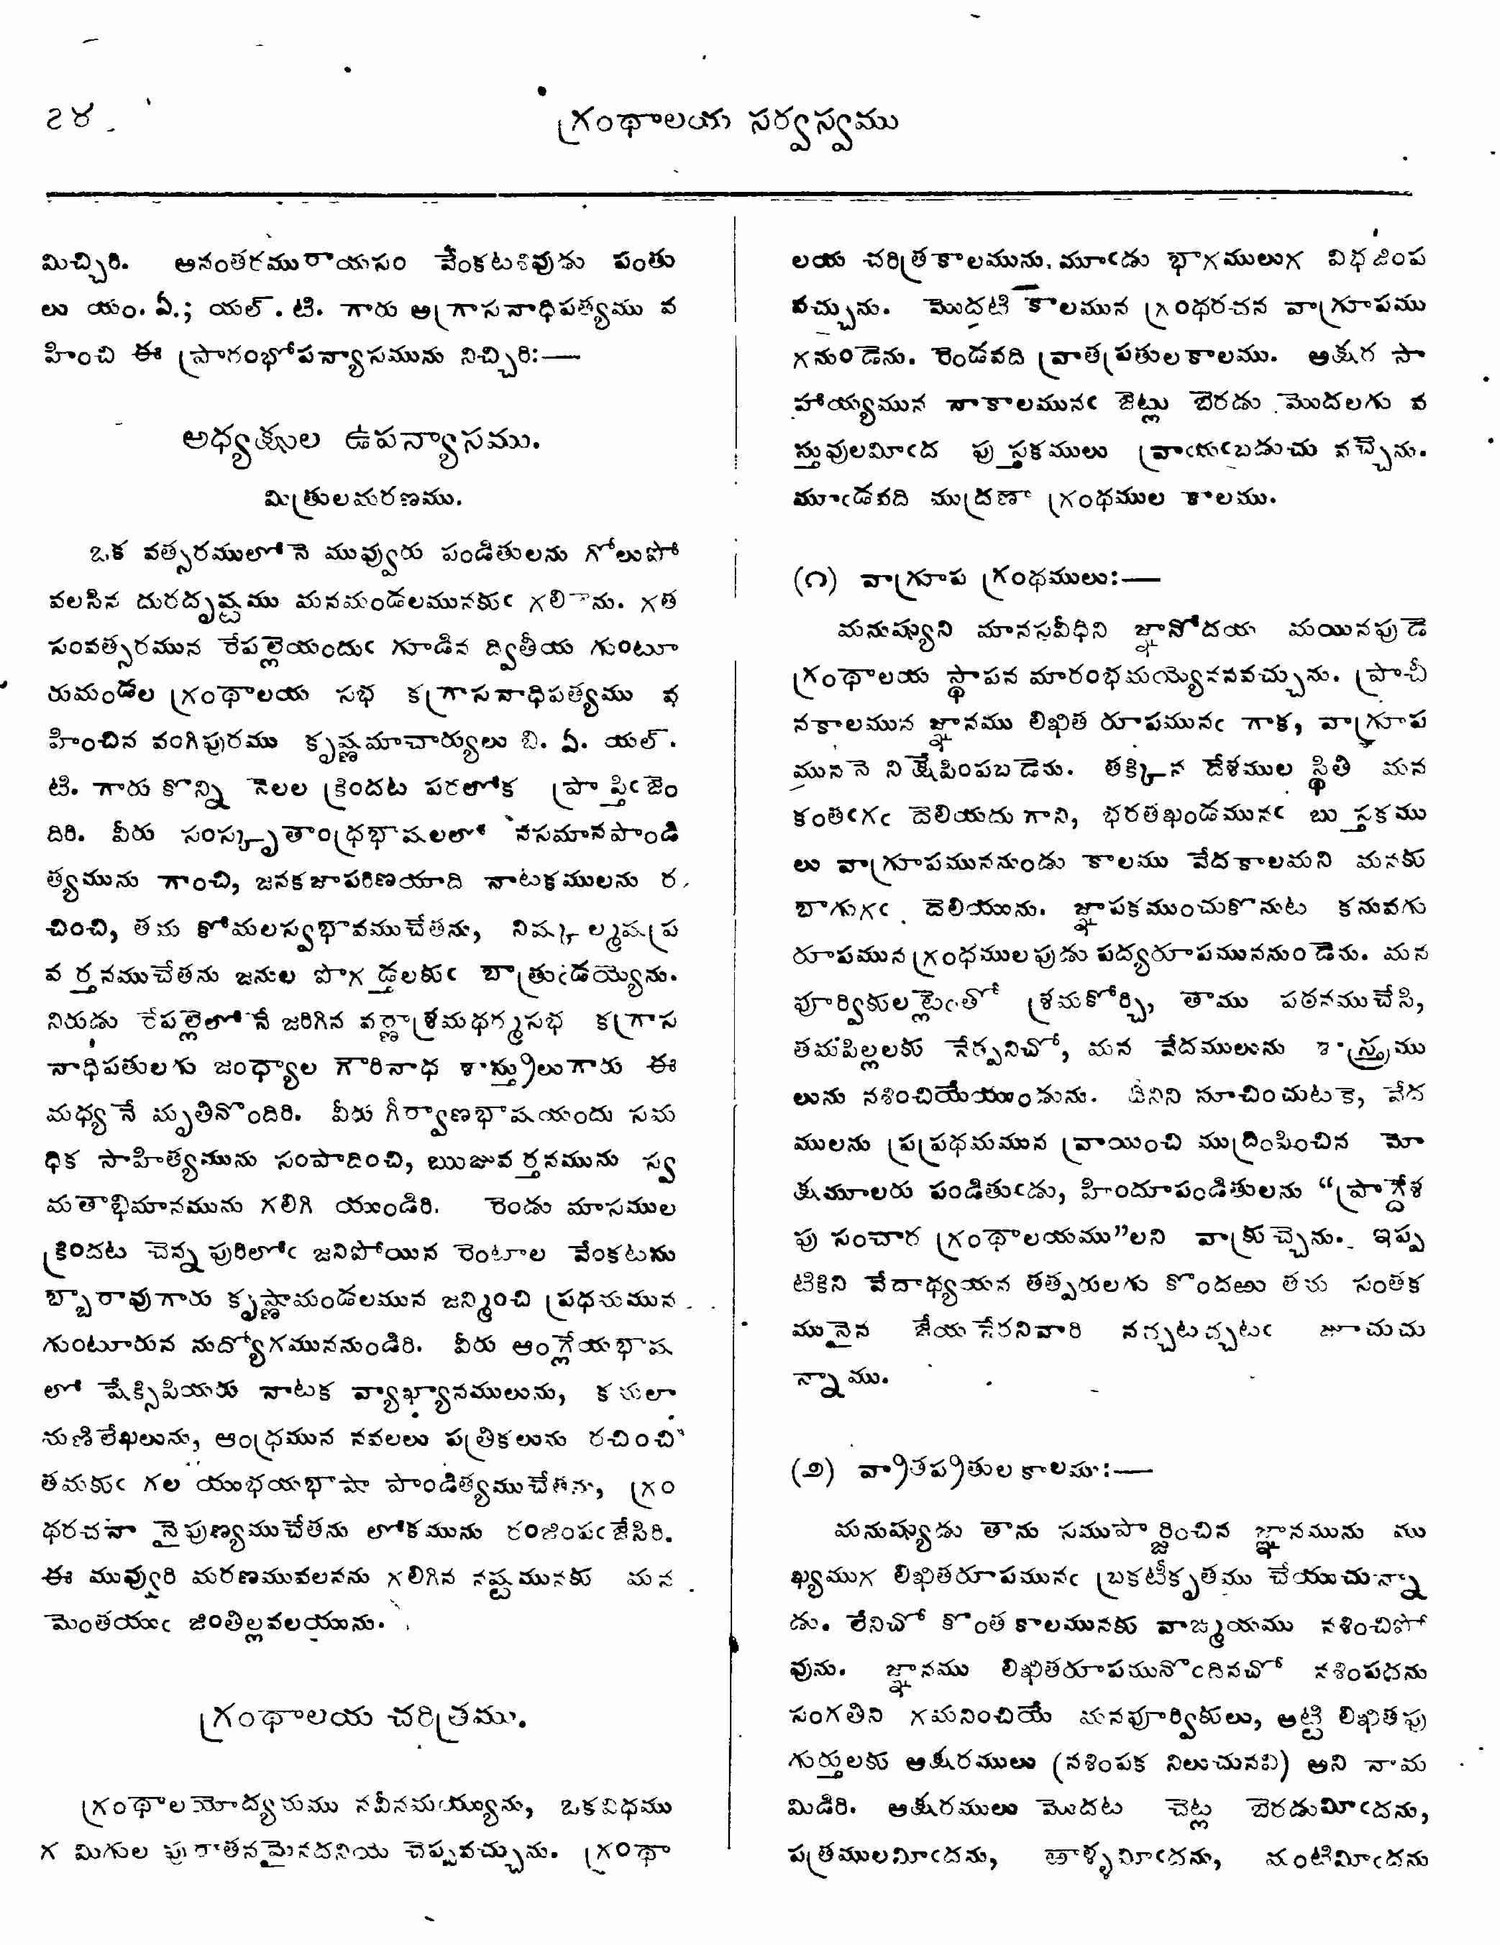మిచ్చిరి. అనంతరము రాయసం వేంకటశివుడు పంతులు యం. ఏ.; యల్.టి. గారు అగ్రాసనాధిపత్యము వహించి ఈ ప్రాగంభోపన్యాసమును నిచ్చిరి:౼ 

ఒక వత్సరములోనె మువ్వురు పండితులను గోలుపోవలసిన దురదృష్టము మనమండలమునకుఁ గలిగాను. గత సంవత్సరమున రేపల్లెయందుఁ గూడిన ద్వితీయ గుంటూరుమండల గ్రంథాలయ సభ కగ్రాసనాధిపత్యము వహించిన వంగిపురము కృష్ణమాచార్యులు బి. ఏ. యల్. టి. గారు కొన్ని నెలల క్రిందట పరలోక ప్రాప్తిఁజెందిరి. వీరు సంస్కృతాంధ్రభాషలలో నసమాన పాండిత్యమును గాంచి, జనకజాపరిణయాది నాటకములను రచించి, తమ కోమల స్వభావముచేతను, నిష్కల్మప్రవర్తనముచేతను జనుల పొగడ్తలకుఁ బాత్రుఁడయ్యెను. నిరుడు రేపల్లెలోనే జరిగిన వర్ణాశ్రమధర్మసభ కగ్రాసనాధిపతులగు జంధ్యాల గౌరినాధ శాస్త్రులుగారు ఈ మధ్య నే మృతినొందిరి. వీరు గీర్వాణభాషయందు సమధిక సాహిత్యమును సంపాదించి, ఋజువర్తనమును 
స్వమతాభిమానమును గలిగి యుండిరి. రెండు మాసముల కిందట చెన్నపురిలోఁ జనిపోయిన రెంటాల వేంకటసుబ్బారావుగారు కృష్ణామండలమున జన్మించి ప్రధమమున గుంటూరున సుద్యోగముననుండిరి. వీరు ఆంగ్లేయభాషలో షేక్స్పియరు నాటక వ్యాఖ్యానములును, కమలామణిలేఖలును, ఆంధ్రమున నవలలు పత్రికలును రచించి తమకుఁ గల యుభయభాషా
పా౦డిత్యముచేతను, గ్రంధరచనా నైపుణ్యముచేతను లోకమును రంజింపఁజేసిరి. ఈ మువ్వురి మరణమువలనను గలిగిన నష్టమునకు మనమెంతయుఁ జింతిల్లవలయును.

గ్రంథాలయోద్యమము నవీనమయ్యను, ఒక విధముగ మిగుల పురాతనమైనదనియ చెప్పవచ్చును. గ్రంథాలయ చరిత్రకాలమును, మూఁడు భాగములుగ విభజింపవచ్చును. మొదటి కాలమున గ్రంధరచన వాగ్రూపముగను౦డెను. రెండవది వ్రాతప్రతుల కాలము. అక్షర సాహాయ్యమున నాకాలమునఁ జెట్లు బెరడు మొదలగు వస్తువులమీఁద పుస్తకములు వ్రాయఁబడుచు వచ్చేను. మూఁడవది ముద్రణా గ్రంథముల కాలము.

(౧) వాగ్రూప గ్రంధములు:౼

మనుష్యుని మానసవీధిని జ్ఞానోదయ మయినపుడె గ్రంథాలయ స్థాపన మారంభమయ్యెవనవచ్చును. ప్రాచీనకాలమున జ్ఞానము లిఖిత రూపమునఁ గాక, వాగ్రూపముననె నిక్షేపింపబడెను. తక్కిన దేశముల స్థితి మనకంతఁగఁ దెలియదు గాని, భరతఖండమునఁ బుస్తకములు వాగ్రూపముననుండు కాలము వేదకాలమని మనకు బాగుగఁ దెలియును. జ్ఞాపకముంచుకొనుట కనువగు రూపమున గ్రంధములపుడు పద్యరూపముననుండెను. మన పూర్వికులట్లేఁతో శ్రమకోర్చి, తాము పఠనము చేసి, తమపిల్లలకు నేర్పనిచో, 
మన వేదములును శాస్త్రములును నశించియేయుండును. దీనిని సూచించుటకె, వేదములను ప్రప్రథమమున వ్రాయించి ముద్రింపించిన మోక్షమూలరు పండితుఁడు, హిందూ పండితులను “ప్రాద్దేశపు సంచార గ్రంథాలయము”లని వాక్రుచ్చెను. 
ఇప్పటికిని వేదాధ్యయన తత్పరులగు కొందఱు తరు సంతకమునైన జేయనేరనివారి నచ్చటచ్చటఁ జూచుచున్నాము.

(౨) వాతపతుల కాలము:౼

మనుష్యుడు తాను సముపార్జించిన జ్ఞానమును ముఖ్యముగ లిఖితరూపమునఁ బ్రకటీకృతము చేయుచున్నాడు. లేనిచో కొంత కాలమునకు వాఙ్మయము నశించిపోవును. జ్ఞానము లిఖితరూపమునొందినచో నశింపదను సంగతిని గమనించియే మనపూర్వీకులు, అట్టి లిఖితపుగుర్తులకు అక్షరములు (నశింపక నిలుచునవి) అని నామ మిడిరి. అక్షరములు మొదట చెట్ల బెరడుమీఁదను,
పత్రములనిఁదను, తాళ్ళమీఁదనూ, వంటిమీఁదను